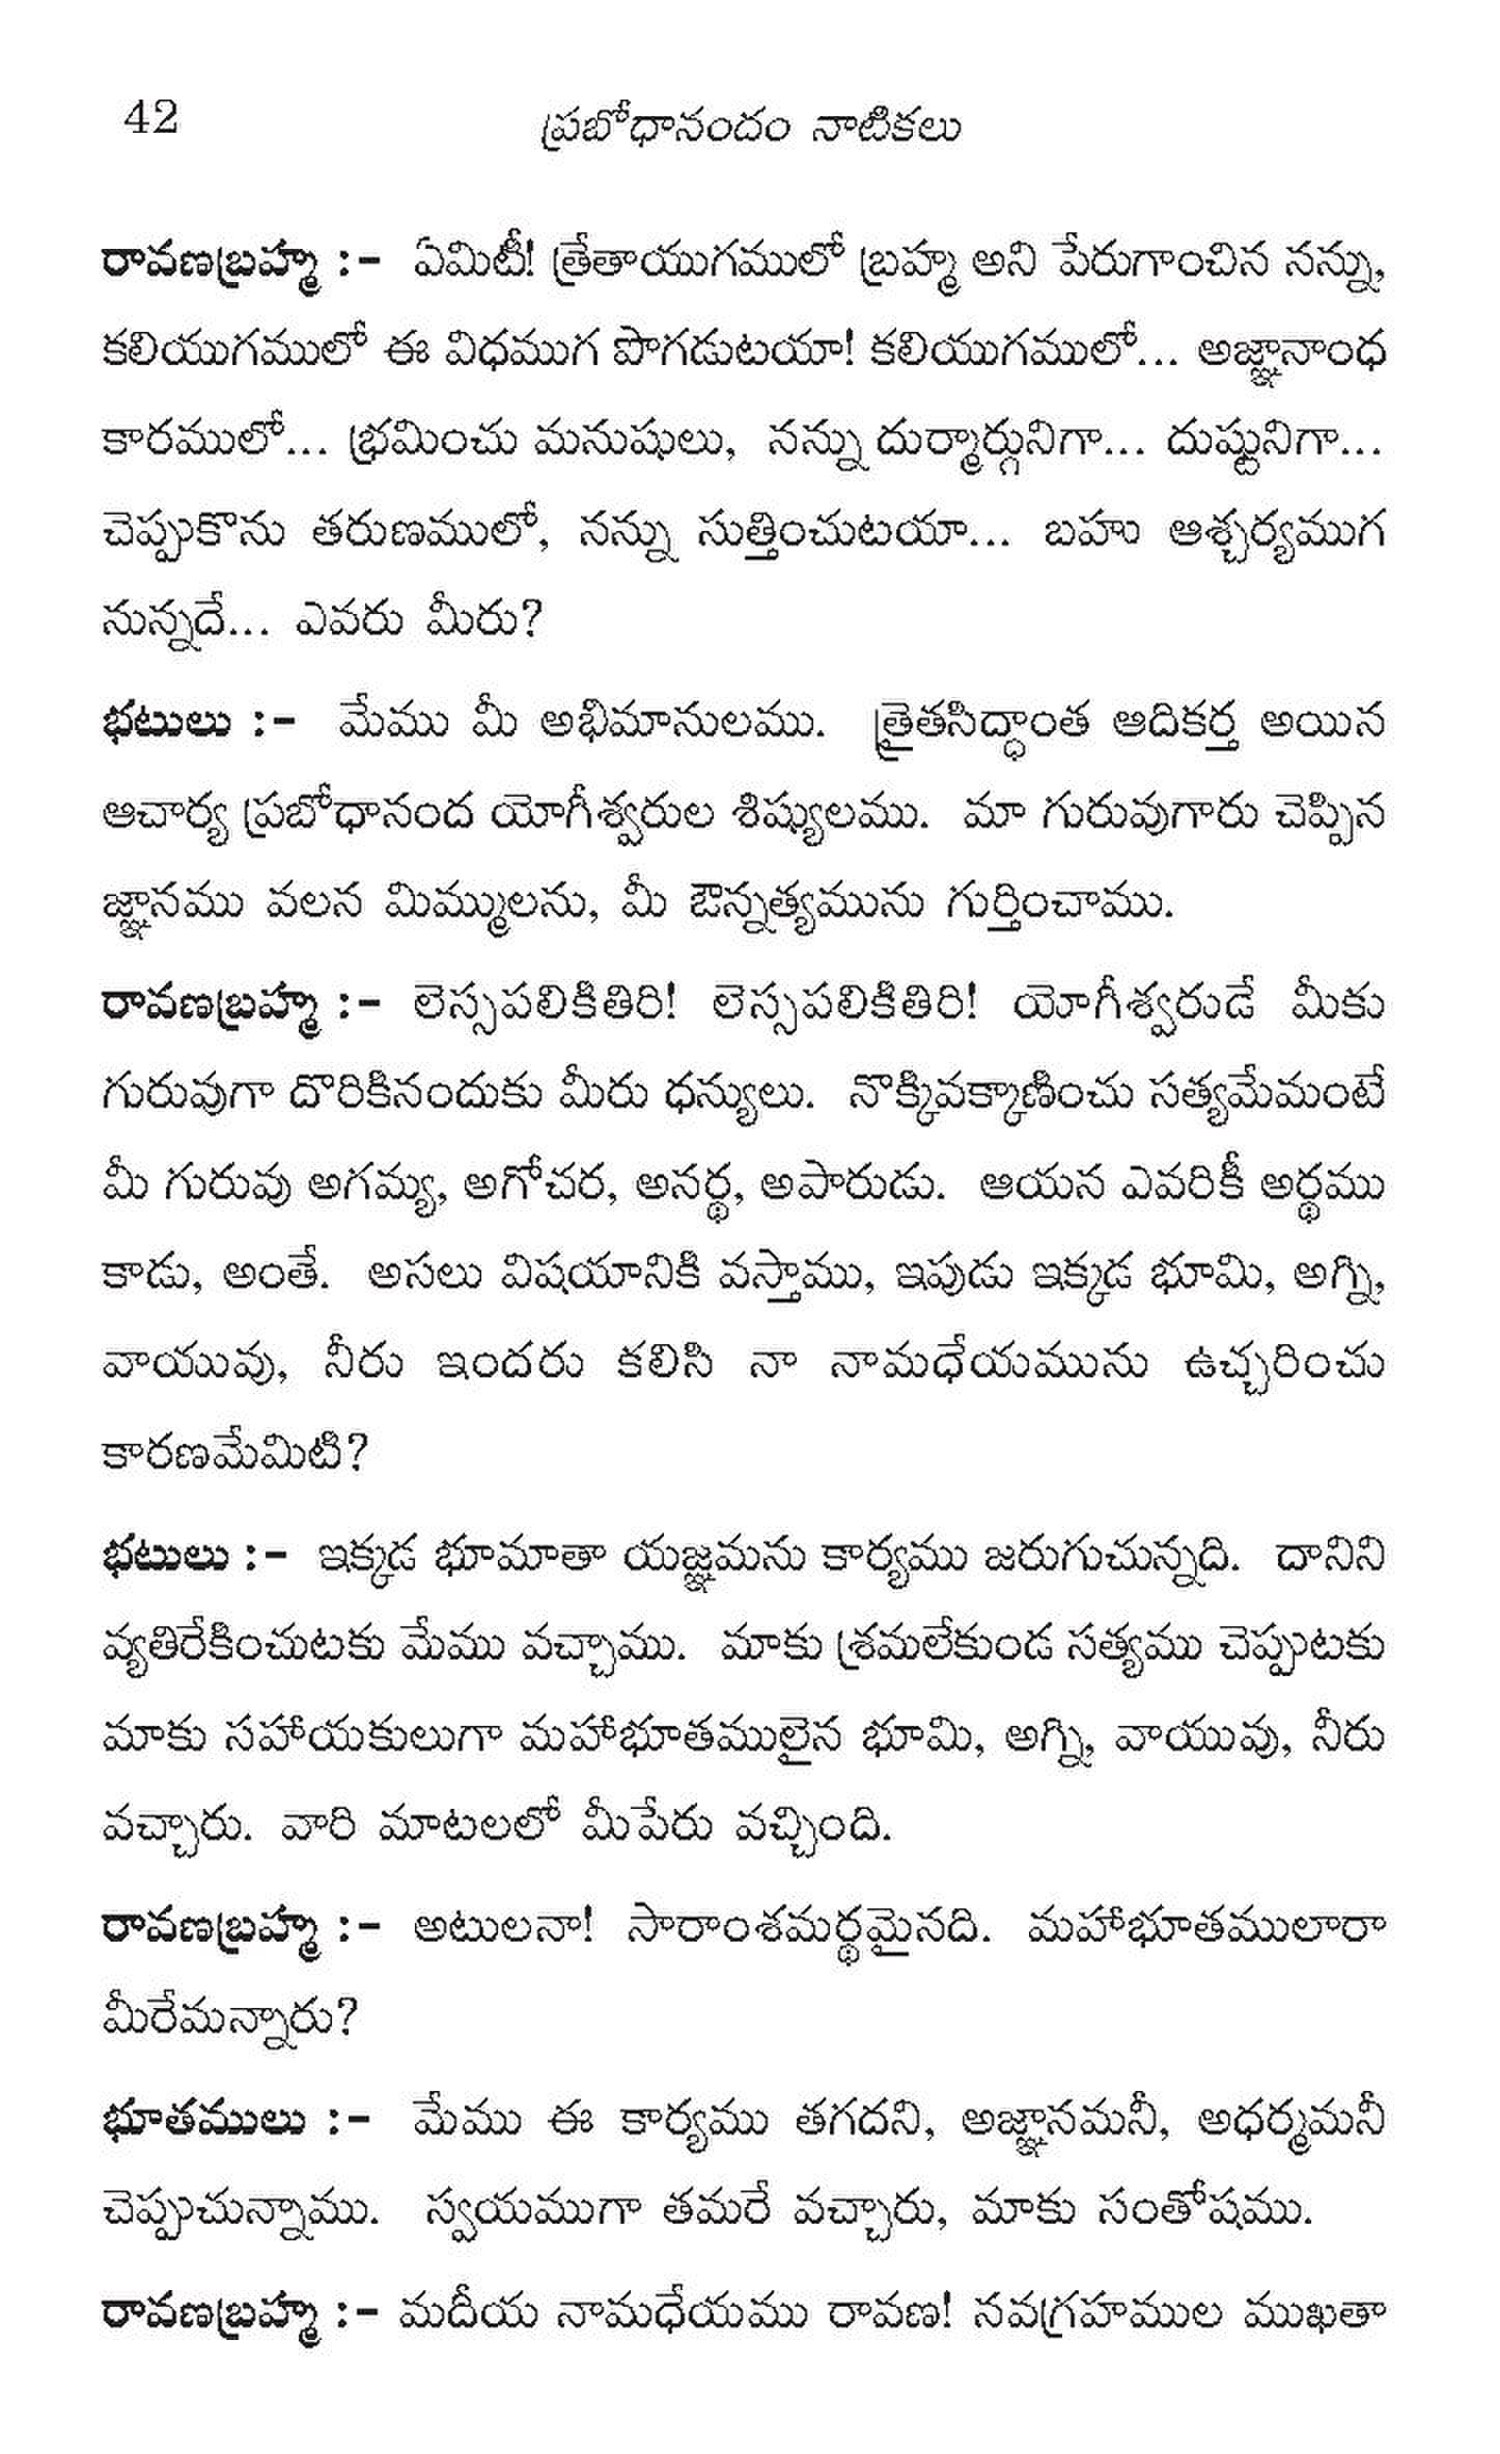రావణబ్రహ్మ :- 	ఏమిటీ! త్రేతాయుగములో బ్రహ్మ అని పేరుగాంచిన నన్ను, కలియుగములో ఈ విధముగ పొగడుటయా! కలియుగములో... అజ్ఞానాంధ కారములో... భ్రమించు మనుషులు, నన్ను దుర్మార్గునిగా... దుష్టునిగా... చెప్పుకొను తరుణములో, నన్ను సుత్తించుటయా... బహు ఆశ్చర్యముగ నున్నదే... ఎవరు మీరు?

భటులు :- మేము మీ అభిమానులము. త్రైతసిద్ధాంత ఆదికర్త అయిన ఆచార్య ప్రబోధానంద యోగీశ్వరుల శిష్యులము. మా గురువుగారు చెప్పిన జ్ఞానము వలన మిమ్ములను, మీ ఔన్నత్యమును గుర్తించాము.

రావణబ్రహ్మ :-	లెస్సపలికితిరి! లెస్సపలికితిరి! యోగీశ్వరుడే మీకు గురువుగా దొరికినందుకు మీరు ధన్యులు. నొక్కివక్కాణించు సత్యమేమంటే మీ గురువు అగమ్య, అగోచర, అనర్థ, అపారుడు. ఆయన ఎవరికీ అర్థము కాడు, అంతే. అసలు విషయానికి వస్తాము, ఇపుడు ఇక్కడ భూమి, అగ్ని, వాయువు, నీరు ఇందరు కలిసి నా నామధేయమును ఉచ్చరించు కారణమేమిటి?

భటులు :- ఇక్కడ భూమాతా యజ్ఞమను కార్యము జరుగుచున్నది. దానిని వ్యతిరేకించుటకు మేము వచ్చాము. మాకు శ్రమలేకుండ సత్యము చెప్పుటకు మాకు సహాయకులుగా మహాభూతములైన భూమి, అగ్ని, వాయువు, నీరు వచ్చారు. వారి మాటలలో మీపేరు వచ్చింది.

రావణబ్రహ్మ :-	అటులనా! సారాంశమర్థమైనది. మహాభూతములారా మీరేమన్నారు?

భూతములు :-	మేము ఈ కార్యము తగదని, అజ్ఞానమనీ, అధర్మమనీ చెప్పుచున్నాము. స్వయముగా తమరే వచ్చారు, మాకు సంతోషము.

రావణబ్రహ్మ :- మదీయ నామధేయము రావణ! నవగ్రహముల ముఖతా